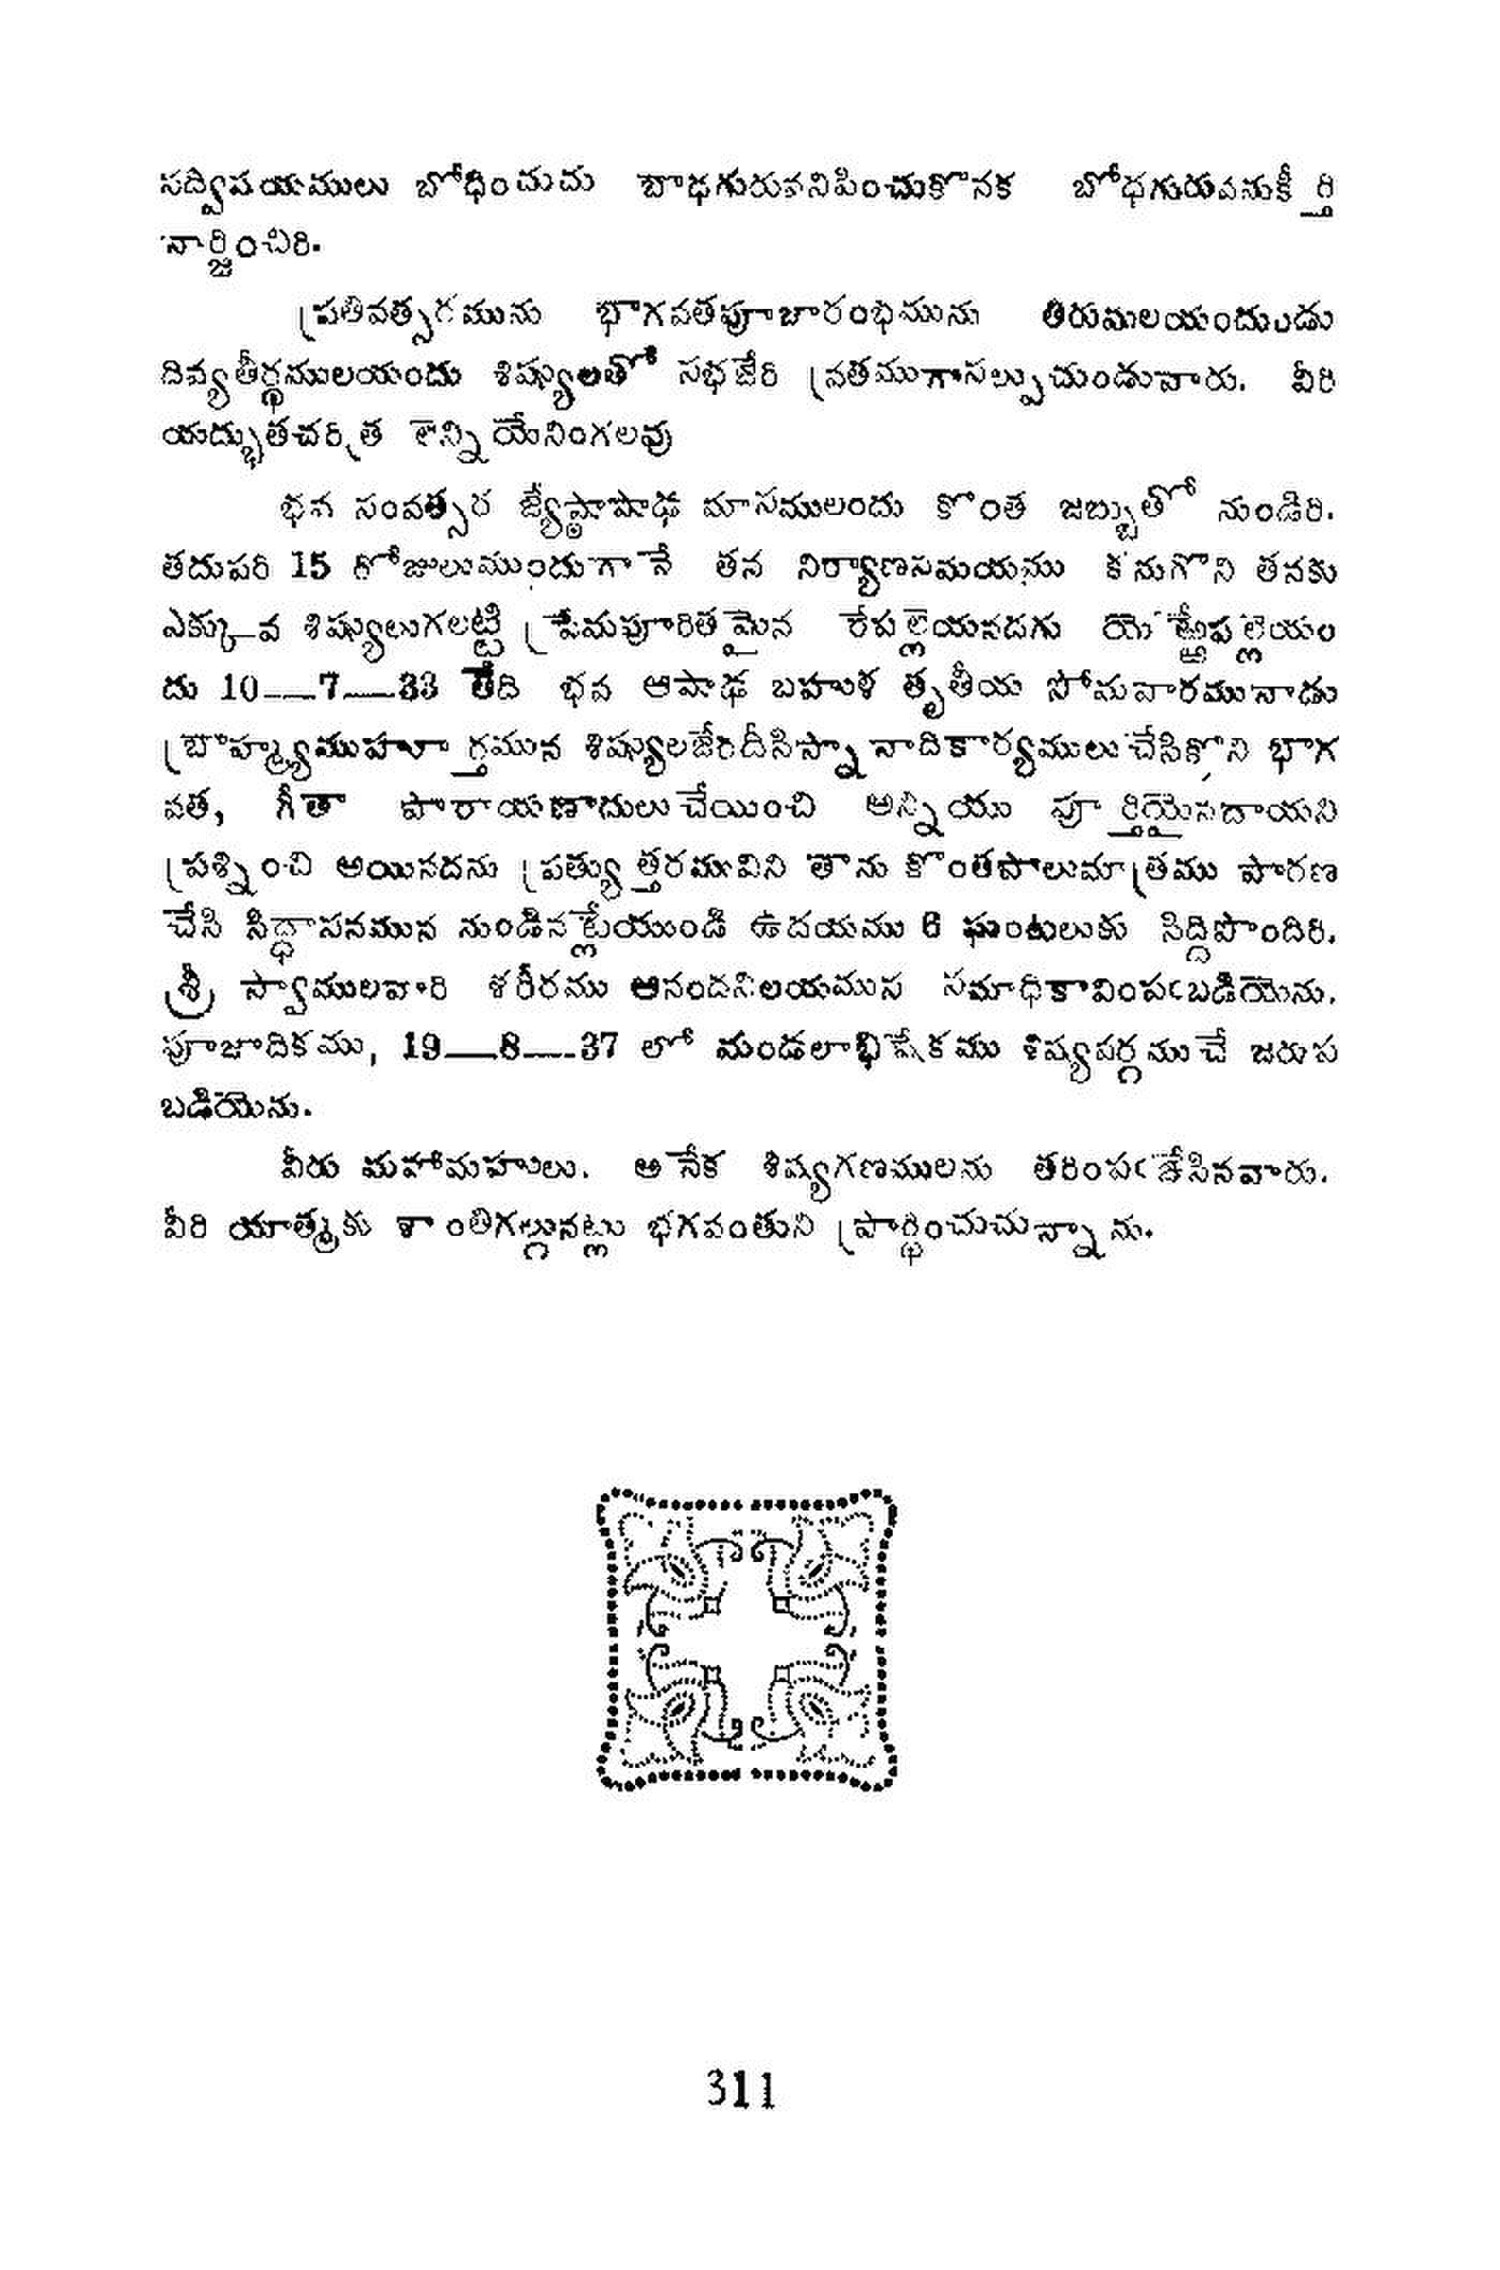సవ్విషయములు బొధించుచు బాధగురుననిపించుకొనక బోధగురువువను కీర్తి నార్జించిరి.

 ప్రతివత్సరమున భాగవతపూజారంబమును తిరుమలయందుండు దివ్యతీర్ధ ములయందు శిష్యులతో సభజేరి వ్రతముగాసల్పుచుండువారు. వీరి యద్భుత చరిత్ర లెన్నియేనింగలవు.

 భవ సంవత్సర జ్యేష్టాషాఢ మాసములందు కొంత జబ్బుతో నుండిరి తదుపరి 15 రోజులుముందుగానే తన నిర్యాణసమయము కనుగొని తనకు ఎక్కువ శిష్యులుగలట్టి ప్రేమపూరితమైన రేపల్లెయందగు యెఱ్ఱేపల్లెయందు 10--7--33 తేది భవ ఆషాధ బహుళ తృతీయ సోమవారమునాడు బ్రాహ్మ్యముహూర్తమున శిష్యులజెరదీసిస్నానది కార్యములు చేసికొని భాగవత, గీతా పారాయణాదులు చేయించి అన్నియు పూర్తియైనదాయని ప్రశ్నించి అయినదను ప్రత్యుత్తరమువిని తాను కొంతపాలుమాత్రము సారణచేసి సిద్ధాసనమున నుండినట్లెయుండి ఉదయము 6 ఘంటలకు సిద్దిపొందిరి. శ్రీ స్వాములవారి శరీరము ఆనందనిలయమున సమాధికావింపబడియెను. పూజాదికము, 19--8--37 లొ మండలాభిషేకము విష్యవర్గముచే జరుప బడియెను.

 వీరు మహామహులు. అనేక శిష్యగణములను తరింపజెసినవారు. వీరి యాత్మకు శాంతిగల్గునట్లు భగవంతుని ప్రార్ధించుచున్నాను.